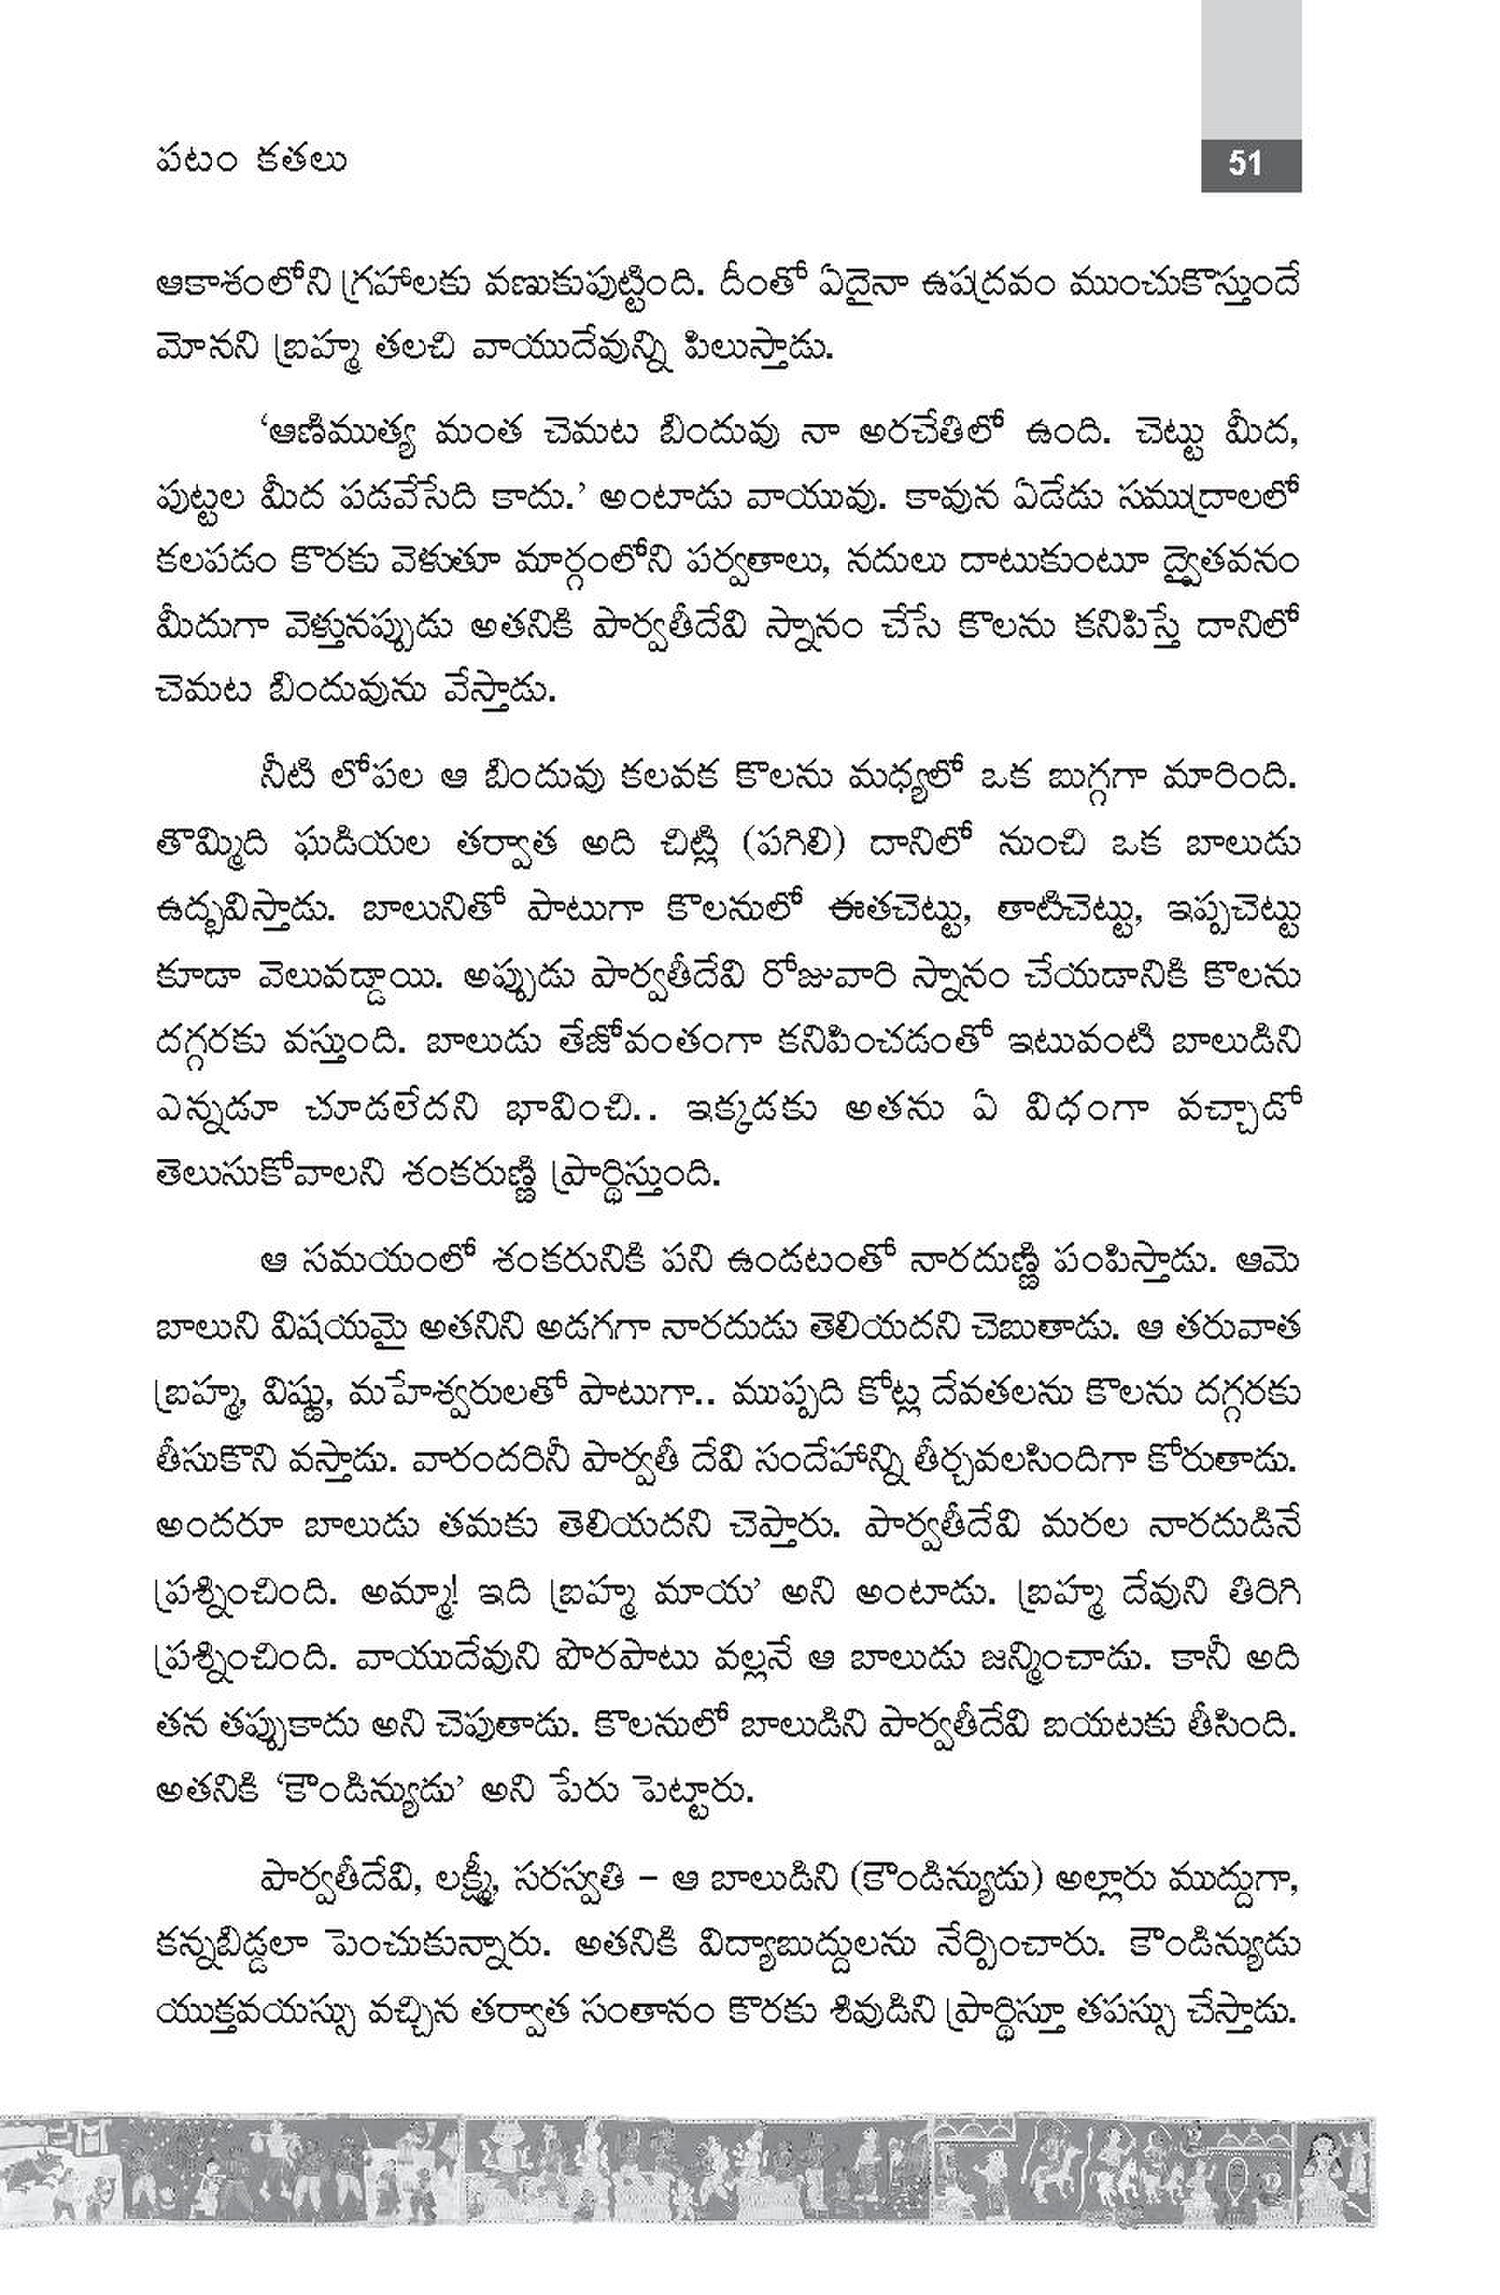ఆకాశంలోని గ్రహాలకు వణుకుపుట్టింది. దీంతో ఏదైనా ఉషద్రవం ముంచుకొస్తుందేమోనని బ్రహ్మ తలచి వాయుదేవున్ని పిలుస్తాడు.

'ఆణిముత్య మంత చెమట బిందువు నా అరచేతిలో ఉంది. చెట్టు మీద, పుట్టల మీద పడవేసేది కాదు.' అంటాడు వాయువు. కావున ఏడేడు సముద్రాలలో కలపడం కొరకు వెళుతూ మార్గంలోని పర్వతాలు, నదులు దాటుకుంటూ ద్వైతవనం మీదుగా వెళ్తునప్పుడు అతనికి పార్వతీదేవి స్నానం చేసే కొలను కనిపిస్తే దానిలో చెమట బిందువును వేస్తాడు.

నీటి లోపల ఆ బిందువు కలవక కొలను మధ్యలో ఒక బుగ్గగా మారింది. తొమ్మిది ఘడియల తర్వాత అది చిట్లి (పగిలి) దానిలో నుంచి ఒక బాలుడు ఉద్భవిస్తాడు. బాలునితో పాటుగా కొలనులో ఈతచెట్టు, తాటిచెట్టు, ఇప్పచెట్టు కూడా వెలువడ్డాయి. అప్పుడు పార్వతీదేవి రోజువారి స్నానం చేయడానికి కొలను దగ్గరకు వస్తుంది. బాలుడు తేజోవంతంగా కనిపించడంతో ఇటువంటి బాలుడిని ఎన్నడూ చూడలేదని భావించి.. ఇక్కడకు అతను ఏ విధంగా వచ్చాడో
తెలుసుకోవాలని శంకరుణ్ణి ప్రార్థిస్తుంది.

ఆ సమయంలో శంకరునికి పని ఉండటంతో నారదుణ్ణి పంపిస్తాడు. ఆమె బాలుని విషయమై అతనిని అడగగా నారదుడు తెలియదని చెబుతాడు. ఆ తరువాత బ్రహ్మ, విష్ణు, మహేశ్వరులతో పాటుగా.. ముప్పది కోట్ల దేవతలను కొలను దగ్గరకు
తీసుకొని వస్తాడు. వారందరినీ పార్వతీ దేవి సందేహాన్ని తీర్చవలసిందిగా కోరుతాడు. అందరూ బాలుడు తమకు తెలియదని చెప్తారు. పార్వతీదేవి మరల నారదుడినే ప్రశ్నించింది. అమ్మా! ఇది బ్రహ్మ మాయ' అని అంటాడు. బ్రహ్మ దేవుని తిరిగి ప్రశ్నించింది. వాయుదేవుని పొరపాటు వల్లనే ఆ బాలుడు జన్మించాడు. కానీ అది తన తప్పుకాదు అని చెపుతాడు. కొలనులో బాలుడిని పార్వతీదేవి బయటకు తీసింది. అతనికి 'కౌండిన్యుడు' అని పేరు పెట్టారు.

పార్వతీదేవి, లక్ష్మీ, సరస్వతి - ఆ బాలుడిని (కౌండిన్యుడు) అల్లారు ముద్దుగా, కన్నబిడ్డలా పెంచుకున్నారు. అతనికి విద్యాబుద్ధులను నేర్పించారు. కౌండిన్యుడు యుక్తవయస్సు వచ్చిన తర్వాత సంతానం కొరకు శివుడిని ప్రార్థిస్తూ తపస్సు చేస్తాడు.